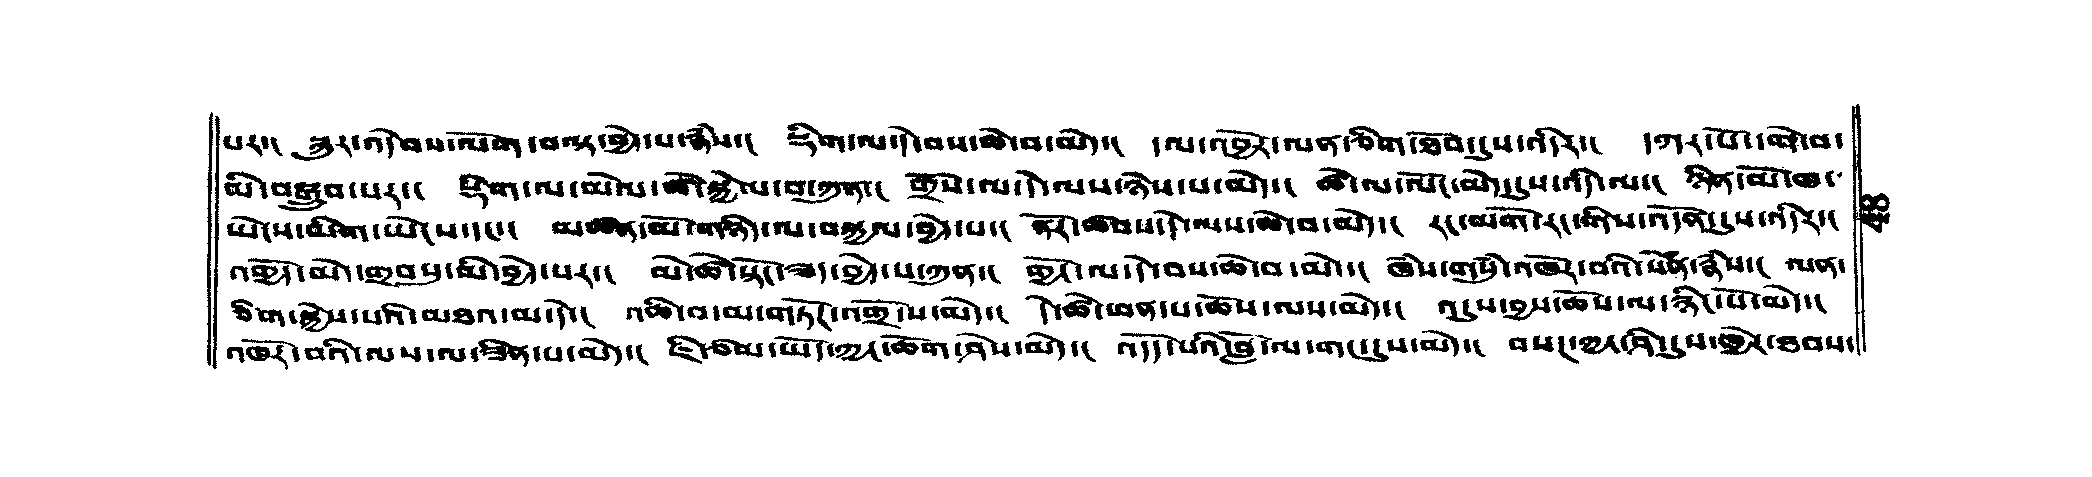པར། །སྐུར་འདེབས་ལོག་ལྟ་བྱེད་པ་རྣམས། །སྡིག་ལ་དེ་བས་ཆེ་བ་མེད། །དལ་འབྱོར་ལན་གཅིག་ཐོབ་དུས་འདིར། །དཀར་པོ་དགེ་བ་
མི་བསྒྲུབ་པར། །སྡིག་ལ་མེལ་ཚེ་སྐྱེལ་བ་ཀུན། །གྲོས་ལ་དེ་ལས་ཉེས་པ་མེད། །ཚེ་ལ་ལོང་མེད་དུས་འདི་ལ། །ཉིན་མོ་ཁ་
གཡེང་མིག་ཡེངས་དང་། །མཚན་མོ་གཉིད་ལ་བསྐྱལ་བྱེད་པ། །ནོར་ཚབས་དེ་ལས་ཆེ་བ་མེད། །རང་མགོ་རང་གིས་འདོན་དུས་འདིར། །
འགྱོད་མེད་གྲབས་སུ་མི་བྱེད་པར། །མི་ཚེ་སྟོང་ཟད་བྱེད་པ་ཀུན། །གྱོང་ལ་དེ་བས་ཆེ་བ་མེད། །ཁམས་གསུམ་འཁོར་བའི་སེམས་ཅན་རྣམས། །ལན་
ཅིག་སྐྱེས་པའི་མཐའ་མ་དེ་། འཆི་བ་མ་གཏོགས་འགྲོ་ས་མེད། །དེ་ཚེ་ཕན་པ་ཆོས་ལས་མེད། །འདུས་བྱས་ཆོས་ལ་སྙིང་པོ་མེད། །
འཁོར་བའི་ཆོས་ལ་ཟིན་པ་མེད། །ཇི་ཙམ་ཡོད་ཀྱང་ཆོག་ཤེས་མེད། །འདོད་པའི་བློ་ལ་གང་དུས་མེད། །བསགས་ཀྱང་ཤི་དུས་ཁྱེར་ཐབས་